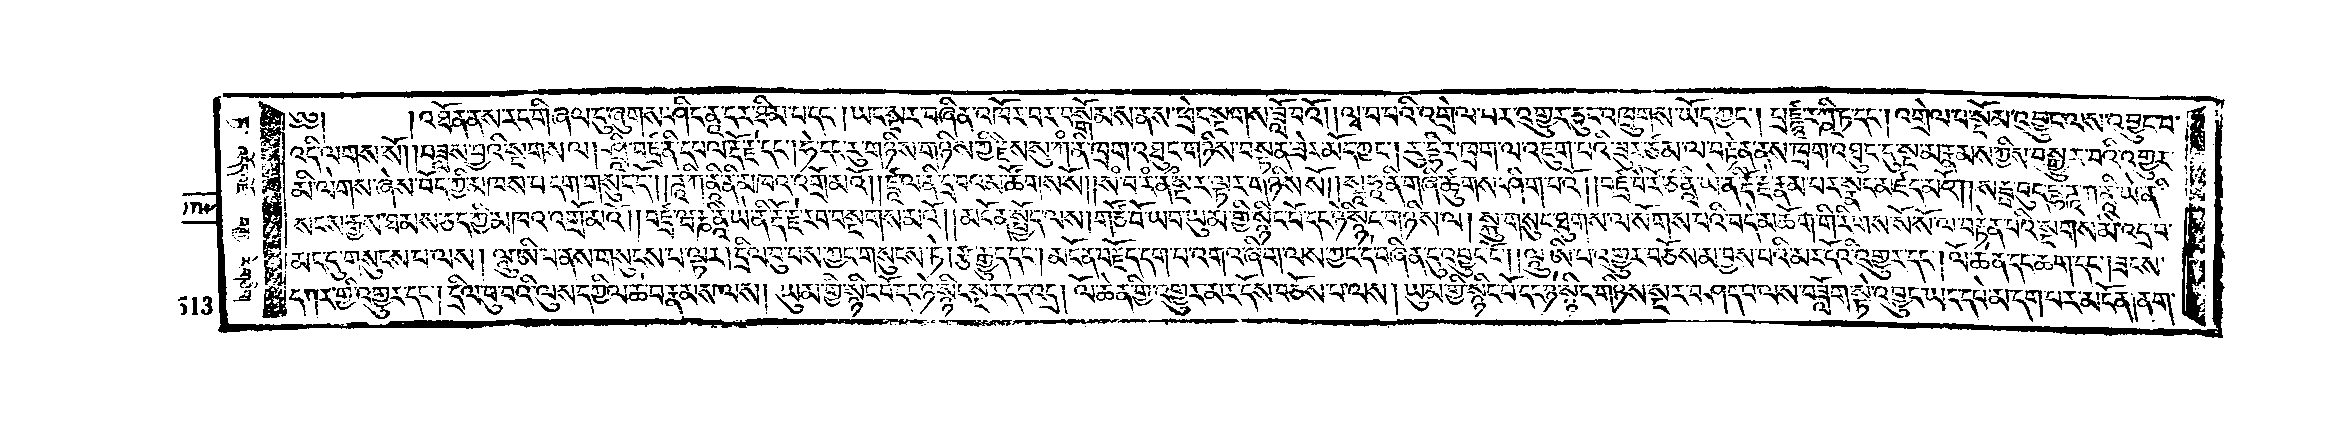༄༅། །འཐོན་ནས་རང་གི་ཞལ་དུ་ཞུགས་ཤིང་ནཱ་དར་ཐིམ་པ་དང་། ཡང་སྔར་བཞིན་འཁོར་བར་བསྒོམས་ནས་ཕྲེང་སྔགས་ཟློ་བའོ། །ལྭ་བ་པའི་འགྲེལ་པར་འགྱུར་ཅུང་འཁྲུགས་ཡོད་ཀྱང་། པྲཛྙཱ་རཀྵི་ཏ་དང་། འགྲེལ་པ་སྡོམ་འབྱུང་ལས་འབྱུང་བ་
འདི་ལགས་སོ། །བཟླས་བྱའི་སྔགས་ལ། ཤྲཱི་བཛྲ་ནི་དཔལ་རྡོ་རྗེ་དང་། ཧེ་དང་རུ་གཉིས་གཉིས་ཀྱི་རྗེས་སུ་ཀཾ་ནི་ཁྲག་འཐུང་གཉིས་བསྟན་ཟེར་མོད་ཀྱང་། རུ་དྷི་ར་ཁྲག་ལ་འཇུག་པའི་ཟུར་ཙམ་ལ་བརྟེན་ནས་ཁྲག་འཐུང་དུ་སྔ་མ་རྣམས་ཀྱིས་བསྒྱུར་བའི་འགྱུར་
མི་ལེགས་ཞེས་བོད་ཀྱི་མཁས་པ་དག་གསུང་དོ། །ཌཱ་ཀི་ནཱི་ནི་མཁའ་འགྲོ་མའོ། །ཛཱ་ལ་ནི་དྲ་བའམ་ཚོགས་སོ། །སཾ་བ་རཾ་ནི་སྔར་ལྟར་གཉིས་སོ། །སྭཱཧཱ་ནི་གཞི་ཚུགས་ཤིག་པའོ། །བཛྲ་བཻ་རོ་ཙ་ནཱི་ཡེ་ནི་རྡོ་རྗེ་རྣམ་པར་སྣང་མཛད་མའོ། །སརྦྦ་བུདྡྷ་ཌཱ་ཀི་ནཱི་ཡེ་ནི་
སངས་རྒྱས་ཐམས་ཅད་ཀྱི་མཁའ་འགྲོ་མའོ། །བཛྲ་ཝ་རྞ་ནཱི་ཡེ་ནི་རྡོ་རྗེ་རབ་བསྔགས་མའོ། །མངོན་སྤྱོད་ལས། གཙོ་བོ་ཡབ་ཡུམ་གྱི་སྙིང་པོ་དང་ཉེ་སྙིང་གཉིས་ལ། སྐུ་གསུང་ཐུགས་ལ་སོགས་པའི་བདེ་མཆོག་གི་རིགས་སོ་སོ་ལ་བརྟེན་པའི་སྔགས་མི་འདྲ་བ་
མང་དུ་གསུངས་པ་ལས། ལཱུ་ཨི་པ་ནས་གསུངས་པ་ལྟར། དྲིལ་བུ་པས་ཀྱང་གསུངས་ཏེ། རྩ་རྒྱུད་དང་། མངོན་བརྗོད་དག་པ་འགའ་ཞིག་ལས་ཀྱང་དེ་བཞིན་དུ་འབྱུང་ངོ། །ལཱུ་ཨི་པ་འགྱུར་བཅོས་མ་བྱས་པའི་མར་དོའི་འགྱུར་དང་། ལོ་ཆེན་དང་ཆག་དང་། ཟངས་
དཀར་གྱི་འགྱུར་དང་། དྲིལ་བུ་བའི་ལུས་དཀྱིལ་ཆེ་བ་རྣམས་ལས། ཡུམ་གྱི་སྙིང་བོ་དང་ཉེ་སྙིང་སྔར་དང་འདྲ། ལོ་ཆེན་གྱི་འགྱུར་མར་དོས་བཅོས་པ་ལས། ཡུམ་གྱི་སྙིང་པོ་དང་ཉེ་སྙིང་གཉིས་སྔར་བཤད་པ་ལས་བཟློག་སྟེ་འབྱུང་ཡང་དཔེ་མ་དག་པར་མངོན། ནག་